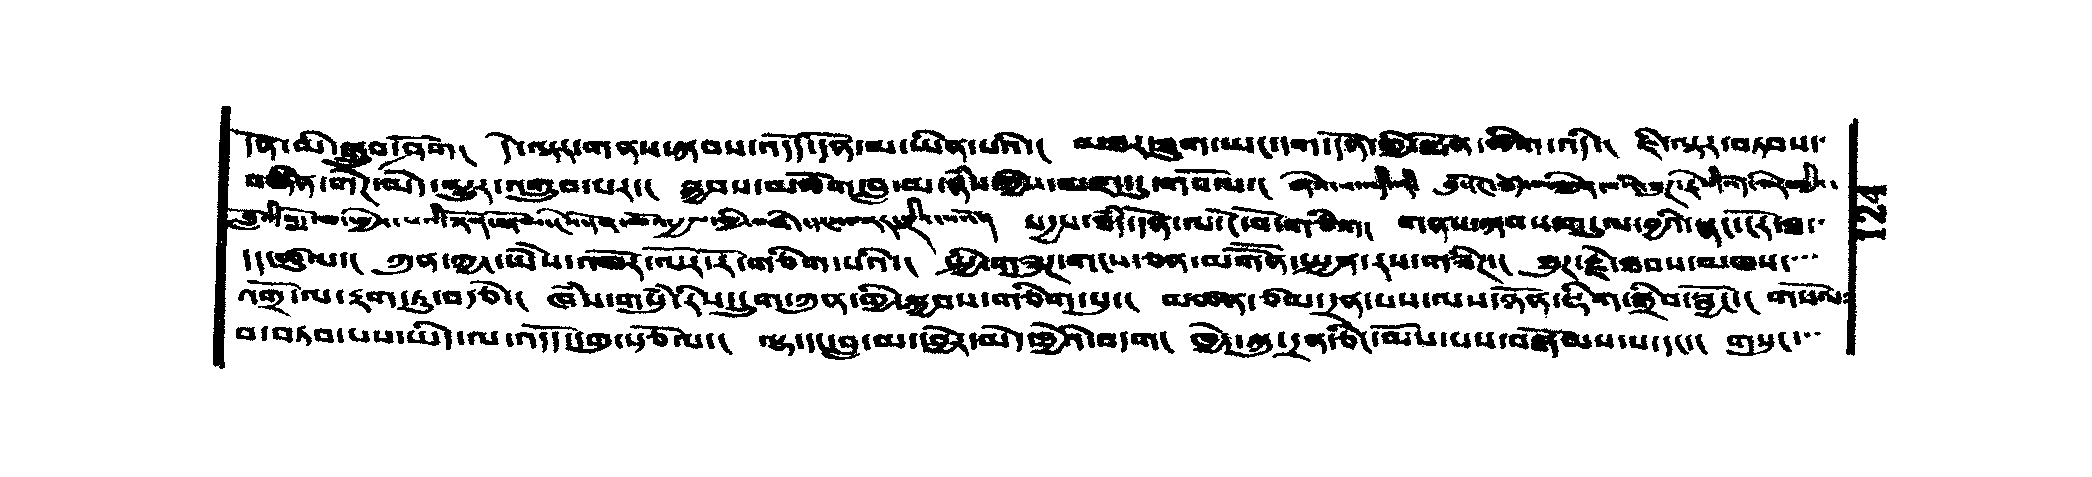དོན་མི་སྒྲུབ་ཤོག །དེ་ལྟར་གནས་སྐབས་འདོད་དོན་མ་ཡིན་པའི། །མཐར་ཐུག་ཡང་དག་དོན་གྱི་སྨོན་ཚིག་འདི། །ཇི་ལྟར་བཏབས་
བཞིན་གེགས་མེད་མྱུར་འགྲུབ་པར། །སྐྱབས་མཆོག་བླ་མ་རྣམས་ཀྱིས་མཛད་དུ་གསོལ། ཞེས་པ་འདི་ནི། བོ་དོངས་ཐམས་ཅད་མཁྱེན་པའི་ཐུགས་རྗེའི་འོད་ཟེར་གྱིས་
བློའི་པདྨོ་ཁ་ཕྱེས་པའི་སྟོན་སྒོམ་ངེས་དོན་ཆོས་རྒྱལ་གྱི་བཞེད་དགོངས་ལྟར་བྲིས་པའོ།། སངས་རྒྱས་ཐམས་ཅད་དོན་ལ་ངོ་བོ་གཅིག །གནས་སྐབས་གདུལ་བྱའི་སྣང་ངོར་ཐ་
དད་ཚུལ། །ཀུན་ཀྱང་ཡེ་ཤེས་འཁོར་ལོར་རོ་ཅིག་པའི། །སྤྱི་གཟུགས་གངས་ཅན་མགོན་པོ་སྤྱན་རས་གཟིགས། །ཐུགས་རྗེ་ཐབས་མཁས་
འགྲོ་ལ་རྟག་ཏུ་བརྩེ། །ཁམས་གསུམ་རིགས་དྲུག་ཀུན་གྱི་སྐྱབས་གཅིག་པུ། །མཚན་ཙམ་དྲན་པས་ལས་ཉོན་སྡིག་སྒྲིབ་སྦྱོང་། །གསོལ་
བ་བཏབ་པས་ཡིད་ལ་འདོད་དགུ་སྩོལ། །ལྷ་དང་བླ་མ་དབྱེར་མེད་ཐུགས་རྗེའི་བདག །ཁྱེད་སྐུ་དྲན་ཅིང་མོས་པས་བསྒོམས་པ་དང་། །གསུང་